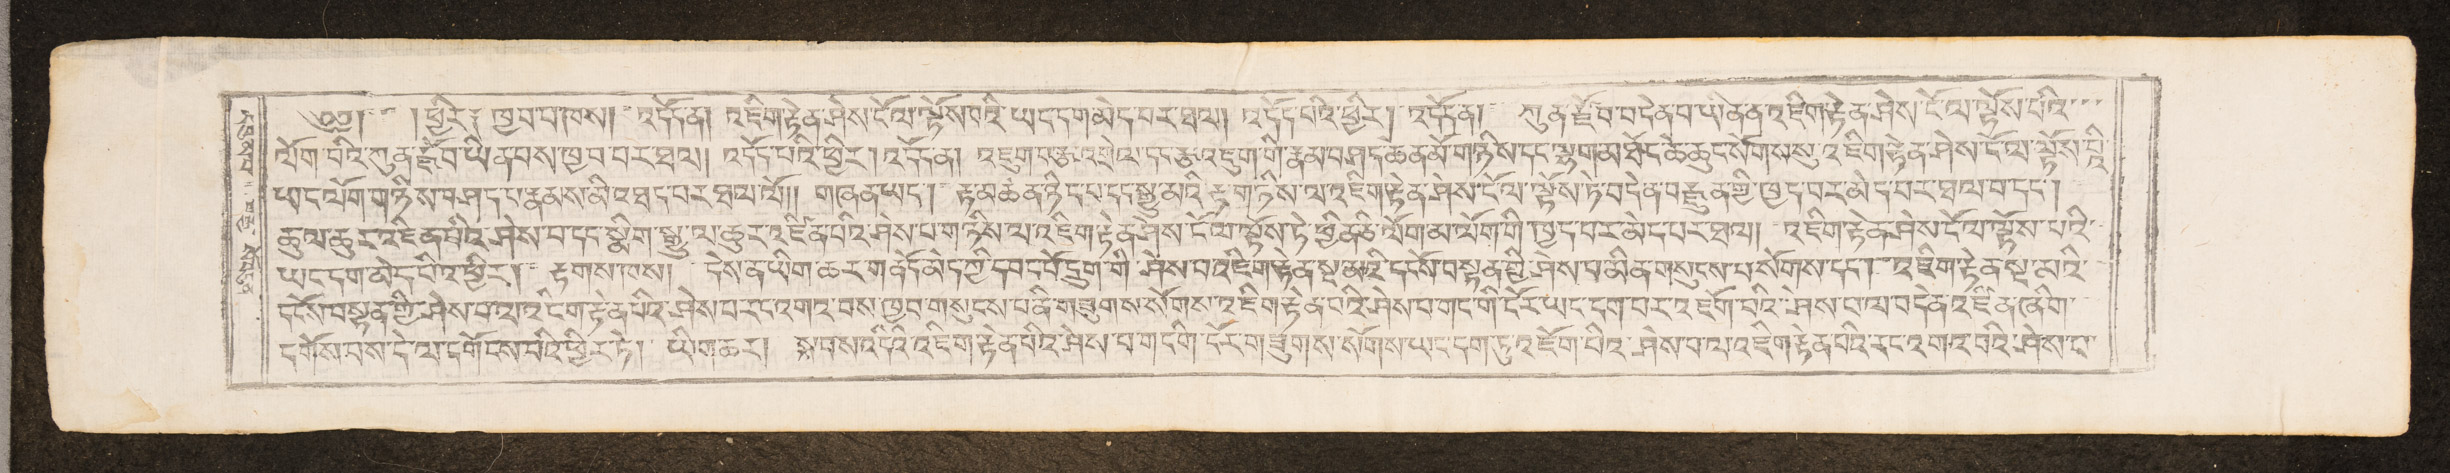༄༅། །ཕྱིར༑ ཁྱབ་པ་ཁས། འདོད་ན། འཇིག་རྟེན་ཤེས་ངོ་ལ་ལྟོས་པའི་ཡང་དག་མེད་པར་ཐལ། འདོད་པའི་ཕྱིར། འདོད་ན། ཀུན་རྫོབ་བདེན་པ་ཡིན་ན་འཇིག་རྟེན་ཤེས་ངོ་ལ་ལྟོས་པའི་
ལོག་པའི་ཀུན་རྫོབ་ཡིན་པས་ཁྱབ་པར་ཐལ། འདོད་པའི་ཕྱིར། འདོད་ན། འཇུག་པ་རྩ་འགྲེལ་དང་རྩ་འཇུག་གི་རྣམས་བཤད་ཆེན་མོ་གཉིས་དང་ལྷག་མཐོང་ཆེ་ཆུང་སོགས་སུ་འཇིག་རྟེན་ཤེས་ངོ་ལ་ལྟོས་པའི་
ཡང་ལོག་གཉིས་བཤད་པ་རྣམས་མི་འཐད་པར་ཐལ་ལོ།། གཞན་ཡང་། རྟ་མཚན་ཉིད་པ་དང་སྒྱུ་མའི་རྟ་གཉིས་ལ་འཇིག་རྟེན་ཤེས་ངོ་ལ་ལྟོས་ཏེ་བདེན་བརྫུན་གྱི་ཁྱད་པར་མེད་པར་ཐལ་བ་དང་།
ཆུ་ལ་ཆུར་འཛིན་པའི་ཤེས་པ་དང་སྨིག་སྒྱུ་ལ་ཆུར་འཛིན་པའི་ཤེས་པ་གཉིས་ལ་འཇིག་རྟེན་ཤེས་ངོ་ལ་ལྟོས་ཏེ་ཕྱིན་ཅི་ལོག་མ་ལོག་གི་ཁྱད་པར་མེད་པར་ཐལ། །འཇིག་རྟེན་ཤེས་ངོ་ལ་ལྟོས་པའི་
ཡང་དག་མེད་པའི་ཕྱིར། རྟགས་ཁས། དེས་ན་ཡིག་ཆར་གནོད་མེད་ཀྱི་དབང་པོ་དྲུག་གི་ཤེས་པ་འཇིག་རྟེན་སྔ་མའི་དངོས་བསྟན་གྱི་ཤེས་པ་མིན་གསུངས་པ་སོགས་དང་། འཇིག་རྟེན་སྔ་མའི་
དངོས་བསྟན་གྱི་ཤེས་པ་ལ་འཇིག་རྟེན་པའི་ཤེས་པ་རང་འགའ་བས་ཁྱབ་གསུངས་པན་ཨི་གཟུགས་སོགས་འཇིག་རྟེན་པའི་ཤེས་པ་གང་གི་ངོར་ཡང་དག་པར་འཇོག་པའི་ཤེས་པ་ལ་བདེན་འཛིན་ཞེས་
དགོས་པས་དེ་ལ་དགོངས་པའི་ཕྱིར་ཏེ། ཡིག་ཆར། སྐབས་འདིའི་འཇིག་རྟེན་པའི་ཤེས་པ་གང་གི་ངོར་གཟུགས་སོགས་ཡང་དག་ཏུ་འཇོག་པའི་ཤེས་པ་ལ་འཇིག་པའི་རང་འགའ་བའི་ཤེས་པ་